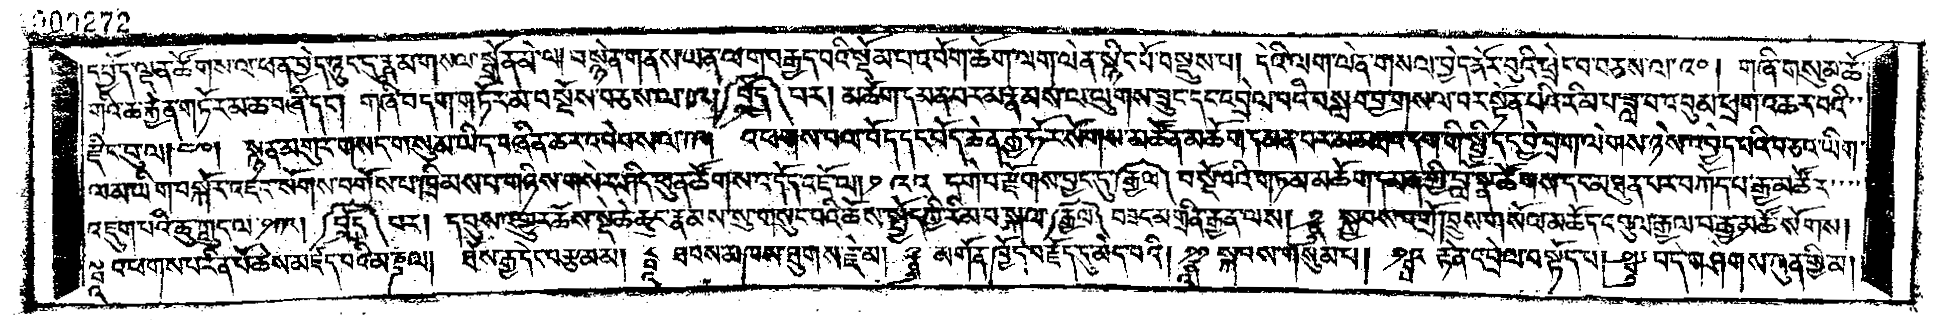དཔྱོད་ལྡན་ཚོགས་ལ་ཕན་བྱེད་ཉུང་དུ་རྣམ་གསལ་སྒྲོན་མེ་ལ། བསྙེན་གནས་ཡན་ལག་བརྒྱད་བའི་སྡོམ་པ་འབོག་ཆོག་ལག་ལེན་སྙིང་པོ་བསྡུས་པ། དེའི་ལག་ལེན་གསལ་བྱེད་ནོར་བུའི་ཕྲེང་བ་བཅས་ལ ༢༠། གཞི་གསུམ་ཆོ་
གའི་ཆ་རྐྱེན་གཏོར་མ་ཆ་བཞི་དང་། གཞི་བདག་གཏོར་མ་བསྔོས་བཅས་ལ ༣། ༼བོད༡༤༽ པར། མཆོག་དམན་བར་མ་རྣམས་ལ་ལུགས་བྲུང་དང་འབྲེལ་བའི་བསླབ་བྱ་གསལ་བར་སྟོན་པའི་རིམ་པ་ཟླ་བ་འབུམ་ཕྲག་འཆར་བའི་
རྫིང་བུ་ལ། ༤༠། སྙན་མགུར་གསང་གསུམ་ཡིད་བཞིན་ཆར་འབེབས་ལ ༣། འཕགས་བལ་བོད་དང་བོད་ཆེན་རྒྱ་ཧོར་སོགས་མཚོན་མཆོག་དམན་བར་མ་མཐའ་དག་གི་སྤྱི་དང་བྱེ་བྲག་ལེགས་ཉེས་འབྱེད་པའི་བཅའ་ཡིག་
ལམ་ཡིག་བསྐོར་འཇའ་སོགས་བགོས་པ་ཁྲིམས་པ་གཉིས་གསེར་ཤིད་ཕུན་ཚོགས་འདོད་འཇོ་ལ། ༡༢༢་དགེ་བ་རྫོགས་བྱང་དུ ༼རྒྱལ༽ བསྔོ་བའི་གཏམ་མཆོག་དམན་གྱི་བློ་སྣ་ཚོགས་དང་མཐུན་པར་བཀོད་པ་རྒྱ་མཚོར་
འཇུག་པའི་ཆུ་ཀླུང་ལ ༡༣། ༼བོད༡༥༽ པར། དབུས་འགྱུར་ཆོས་སྡེ་ཆེ་ཆུང་རྣམས་སུ་གསུང་བའི་ཆོས་སྤྱོད་ཀྱི་རིམ་པ་སྐལ ༼རྒྱལ༽ བཟང་མགྲིན་རྒྱན་ལས། ༡ན༡་སྐྱབས་འགྲོ་ཁྲུས་གསོལ་མཆོད་འབུལ་རྒྱལ་བ་རྒྱ་མཚོ་སོགས།
༧བ༢་འཕགས་པ་རིན་པོ་ཆེས་མཛད་པའི་མཎྜལ། ཐོས་རྒྱ་དེང་བརྩམ་མ། ༨བ༢་ཐབས་མཁས་ཐུགས་རྗེ་མ། ༩ན༡་མགོན་ཁྱོད་བརྗོད་དུ་མེད། པའི། ༡༡ན༢་སྐབས་གསུམ་པ། ༡༢བ༥་རྟེན་འབྲེལ་བསྟོད་པ། ༡༦བ༡་བཤེ་གཤེགས་ཀུན་གྱི་མ།